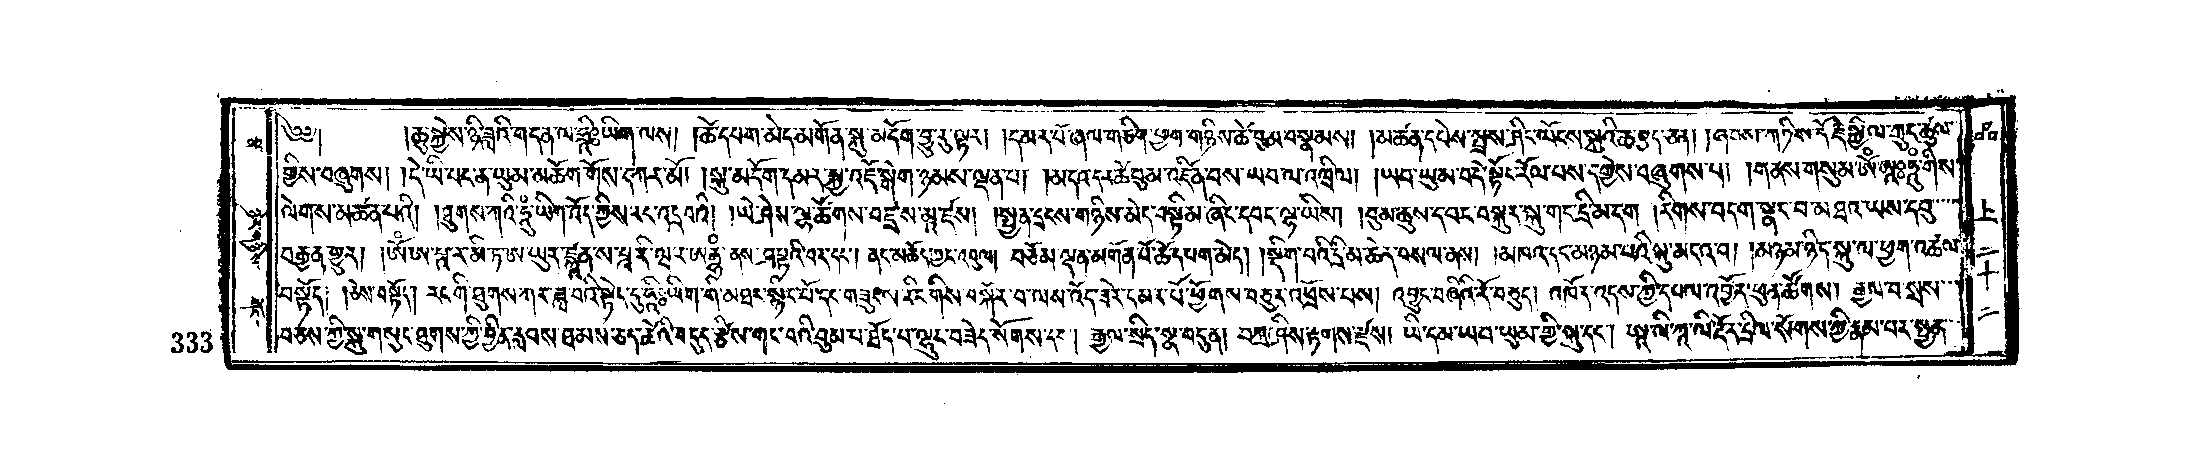༄༅། །ཆུ་སྐྱེས་ཉི་ཟླའི་གདན་ལ་ཧྲཱིཿ ཡིག་ལས། །ཚེ་དཔག་མེད་མགོན་སྐུ་མདོག་བྱུ་རུ་ལྟར། །དམར་པོ་ཞལ་གཅིག་ཕྱག་གཉིས་ཚེ་བུམ་བསྣམས། །མཚན་དཔེས་སྤྲས་ཤིང་ལོངས་སྐུའི་ཆ་བུད་ཅན། །ཞབས་གཉིས་རྡོ་རྗེ་སྐྱིལ་ཀྲུང་ཚུལ་
གྱིས་བཞུགས། །དེ་ཡི་པང་ན་ཡུམ་མཆོག་གོས་དཀར་མོ། །སྐུ་མདོག་དམར་སྐྱ་འཇོ་སྒེག་ཉམས་ལྡན་པ། །མདའ་དར་ཚེ་བུམ་འཛིན་པས་ཡབ་ལ་འཁྲིལ། །ཡབ་ཡུམ་བདེ་སྟོང་རོལ་པས་དགྱེས་བཞུགས་པ། །གནས་གསུམ་ཨོཾ་ཨཱཿ ཧཱུཾ་གིས་
ལེགས་མཚན་པའི། །ཐུགས་ཀའི་ཧཱུཾ་ཡིག་འོད་ཀྱིས་རང་འདྲ་བའི། །ཡེ་ཤེས་ལྷ་ཚོགས་བྫྲ་ས་མཱ་ཛས། །སྤྱན་དྲངས་གཉིས་མེད་བསྟིམ་ཞིང་དབང་ལྷ་ཡིས། །བུམ་ཆུས་དབང་བསྐུར་སྐུ་གང་དྲི་མ་དག །རིགས་བདག་སྣང་བ་མཐའ་ཡས་དབུ་
བརྒྱན་གྱུར། །ཨོཾ་ཨ་པཱ་ར་མི་ཏ་ཨ་ཡུར་ཛྙཱན་ས་པཱ་རི་ཝ་ར་ཨརྒྷཾ་ནས་ཤཔྟའི་བར་དང་། ནང་མཆོད་ཀྱང་འབུལ། བཅོམ་ལྡན་མགོན་པོ་ཚེ་དཔག་མེད། །སྡིག་པའི་དྲི་མ་ཆེར་བསལ་ནས། །མཁའ་དང་མཉམ་པའི་སྐུ་མངའ་བ། །མཉམ་ཉིད་སྐུ་ལ་ཕྱག་འཚལ་
བསྟོད། །ཅེས་བསྟོད། རང་གི་ཐུགས་ཀར་ཟླ་བའི་སྟེང་དུ་ཧཱིཿ ཡིག་གི་མཐར་སྙིང་པོ་དང་གཟུངས་རིང་གིས་བསྐོར་བ་ལས་འོད་ཟེར་དམར་པོ་ཕྱོགས་བཅུར་འཕྲོས་པས། འབྱུང་བཞིའི་རོ་བཅུད། འཁོར་འདས་ཀྱི་དཔལ་འབྱོར་ཕུན་ཚོགས། རྒྱལ་བ་སྲས་
བཅས་ཀྱི་སྐུ་གསུང་ཐུགས་ཀྱི་བྱིན་རླབས་ཐམས་ཅད་ཚེའི་བདུད་རྩིས་གང་བའི་བུམ་པ་ཐོད་པ་ལྷུང་བཟེད་སོགས་དང་། རྒྱལ་སྲིད་སྣ་བདུན། བཀྲ་ཤིས་རྟགས་རྫས། ཡི་དམ་ཡབ་ཡུམ་གྱི་སྐུ་དང་། ཨཱ་ལི་ཀཱ་ལི་རྡོར་དྲིལ་སོགས་ཀྱི་རྣམ་པར་སྤྱན་